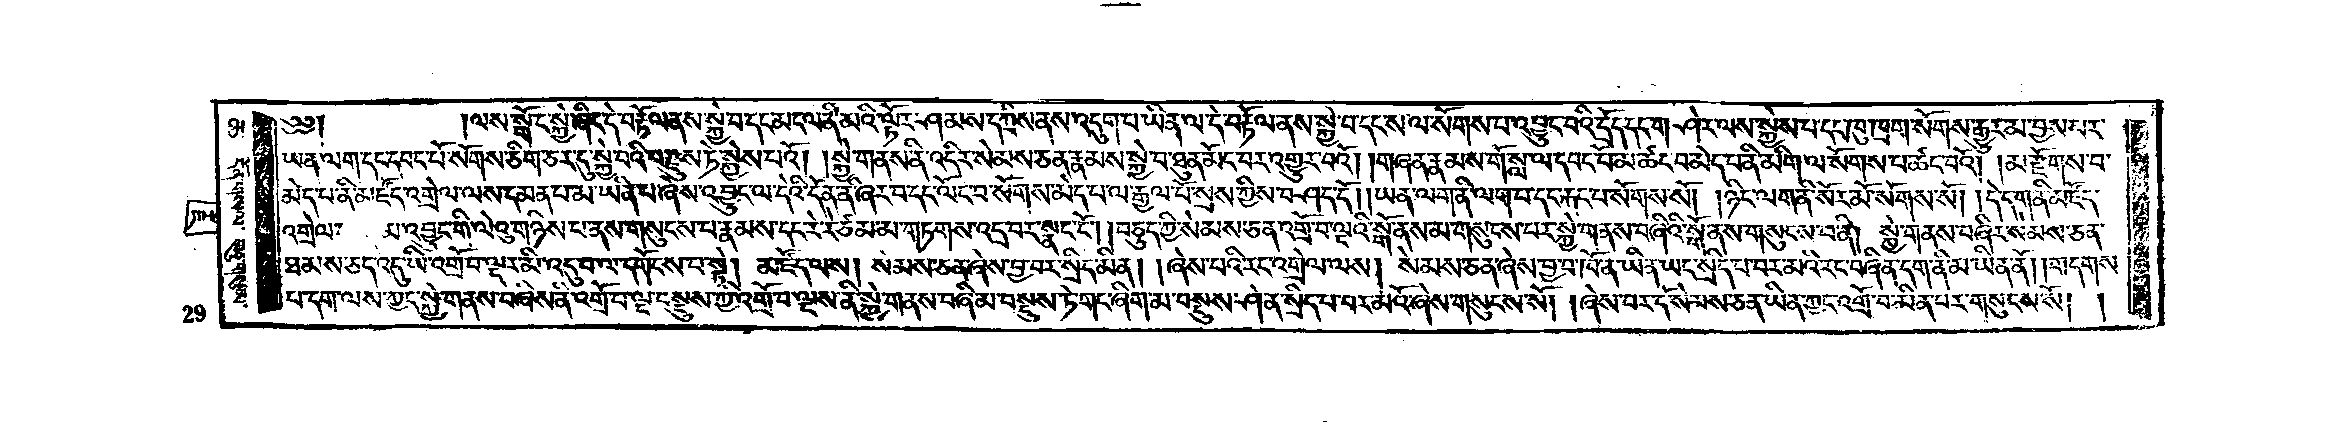༄༅། །ལས་སྒོ་ང་སྐྱེ་ཞིང་དེ་བརྟོལ་ནས་སྐྱེ་བ་དང་མངལ་ནི་མའི་ལྟོར་ཤ་མས་དཀྲིས་ནས་འདུག་པ་ཡིན་ལ་དེ་བརྟོལ་ནས་སྐྱེ་བ་དང་ས་ལ་སོགས་པ་འབྱུང་བའི་དྲོད་དང་གཤེར་ལས་སྐྱེས་པ་དང་ཁུ་ཁྲག་སོགས་རྒྱུར་མ་བྱས་པར་
ཡན་ལག་དང་དབང་པོ་སོགས་ཅིག་ཅར་དུ་སྐྱེ་བའི་བརྫུས་ཏེ་སྐྱེས་པའོ། །སྐྱེ་གནས་ནི་འདིར་སེམས་ཅན་རྣམས་སྐྱེ་བ་ཐུན་མོང་བར་འགྱུར་བའོ། །གཞན་རྣམས་གོ་སླ་ལ་དབང་པོ་མ་ཚང་བ་མེད་པ་ནི་མིག་ལ་སོགས་པ་ཚང་བའོ། །མ་རྫོགས་པ་
མེད་པ་ནི་མཛོད་འགྲེལ་ལས་དམན་པ་མ་ཡིན་པ་ཞེས་འབྱུང་ལ་དེའི་དོན་ནི་ཞར་བ་དང་ལོང་བ་སོགས་མེད་པ་ལ་རྒྱལ་པོ་སྲས་ཀྱིས་བཤད་དོ། །ཡན་ལག་ནི་ལག་པ་དང་རྐང་པ་སོགས་སོ། །ཉིང་ལག་ནི་སོར་མོ་སོགས་སོ། །དེ་དག་ནི་མཛོད་
འགྲེལ་དང་སྡོམ་འབྱུང་གི་ལེའུ་གཉིས་པ་ནས་གསུངས་པ་རྣམས་དང་རེ་རེ་ཙམ་མ་གཏགས་འདྲ་བར་སྣང་ངོ། །བཅུད་ཀྱི་སེམས་ཅན་འགྲོ་བ་ལྔའི་སྒོ་ནས་མ་གསུངས་པར་སྐྱེ་གནས་བཞིའི་སྒོ་ནས་གསུངས་པ་ནི། སྐྱེ་གནས་བཞིར་སེམས་ཅན་
ཐམས་ཅད་འདུ་ཡི་འགྲོ་བ་ལྔར་མི་འདུ་བ་ལ་དགོངས་པ་སྟེ། མཛོད་ལས། སེམས་ཅན་ཞེས་བྱ་བར་སྲིད་མིན། །ཞེས་པའི་རང་འགྲེལ་ལས། སེམས་ཅན་ཞེས་བྱ་བ་ཁོ་ན་ཡིན་ཡང་སྲིད་པ་བར་མའི་རང་བཞིན་དག་ནི་མ་ཡིན་ནོ། །གདགས་
པ་དག་ལས་ཀྱང་སྐྱེ་གནས་བཞིས་ནི་འགྲོ་བ་ལྔ་བསྡུས་ཀྱི་འགྲོ་བ་ལྔས་ནི་སྐྱེ་གནས་བཞི་མ་བསྡུས་ཏེ་གང་ཞིག་མ་བསྡུས་ཤེ་ན་སྲིད་པ་བར་མའོ་ཞེས་གསུངས་སོ། །ཞེས་བར་དོ་སེམས་ཅན་ཡིན་ཀྱང་འགྲོ་བ་མིན་པར་གསུངས་སོ། །